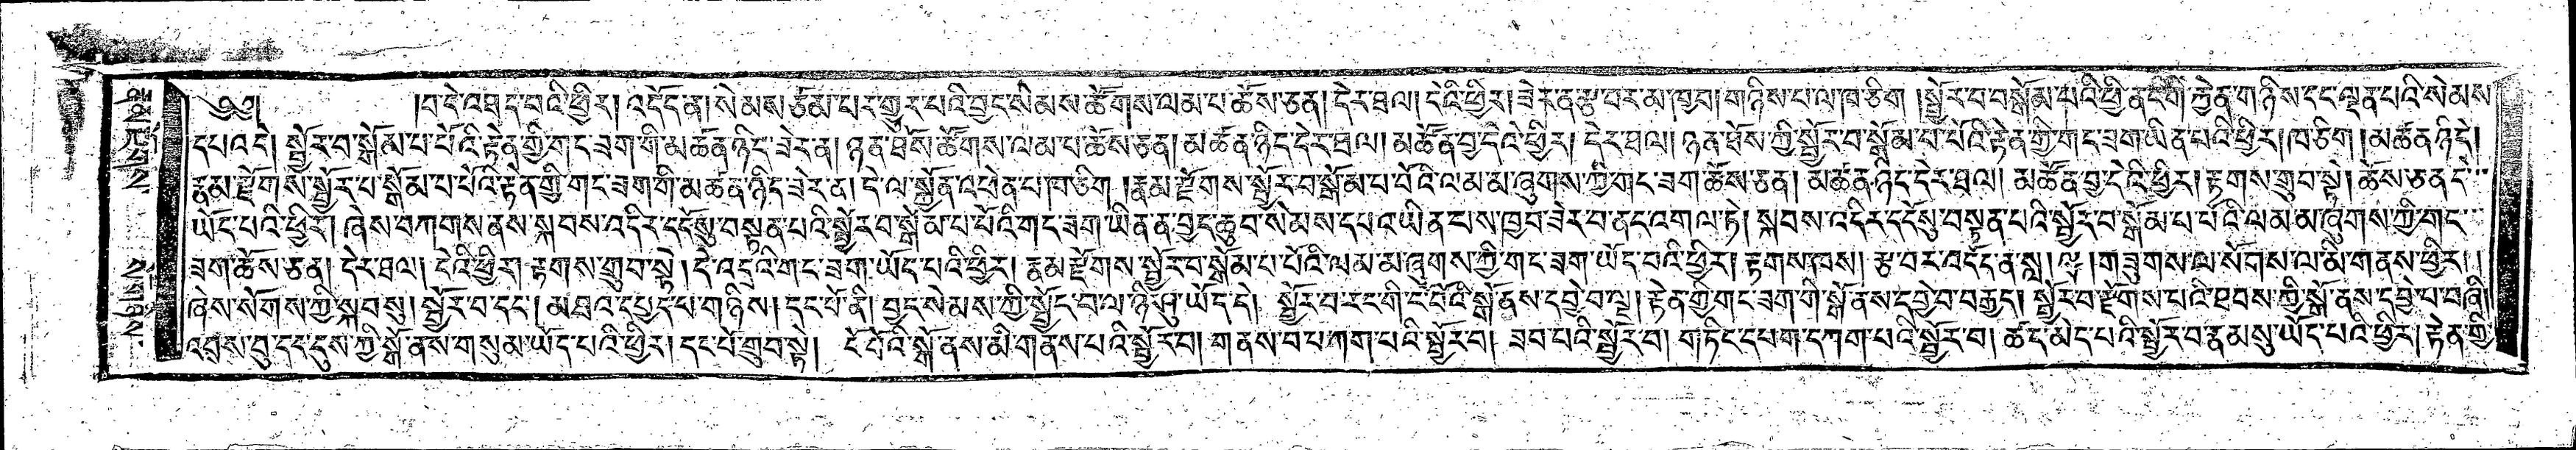༄༅། །བ་དེ་འཐད་པའི་ཕྱིར། འདོད་ན། སེམས་ཙམ་པར་གྱུར་པའི་བྱང་སེམས་ཚོགས་ལམ་པ་ཆོས་ཅན། དེར་ཐལ། དེའི་ཕྱིར། ཟེར་ན་རྩ་བར་མ་ཁྱབ། གཉིས་པ་ལ་ཁ་ཅིག །སྦྱོར་བ་བསྒོམ་པའི་ཕྱི་ནང་གི་རྐྱེན་གཉིས་དང་ལྡན་པའི་སེམས་
དཔའ་དེ། སྦྱོར་བ་སྒོམ་པ་པོའི་རྟེན་གྱི་གང་ཟག་གི་མཚན་ཉིད་ཟེར་ན། ཉན་ཐོས་ཚོགས་ལམ་པ་ཆོས་ཅན། མཚན་ཉིད་དེར་ཐལ། མཚོན་བྱ་དེའི་ཕྱིར། དེར་ཐལ། ཉན་ཐོས་ཀྱི་སྦྱོར་བ་སྒོམ་པ་པོའི་རྟེན་གྱི་གང་ཟག་ཡིན་པའི་ཕྱིར། ཁ་ཅིག། མཚན་ཉིད་དེ།
རྣམ་རྫོགས་སྦྱོར་བ་སྒོམ་པ་པོའི་རྟེན་གྱི་གང་ཟག་གི་མཚན་ཉིད་ཟེར་ན། དེ་ལ་སྐྱོན་འཕེན་པ་ཁ་ཅིག །རྣམ་རྫོགས་སྦྱོར་བ་སྒོམ་པ་པོའི་ལམ་མ་ཞུགས་ཀྱི་གང་ཟག་ཆོས་ཅན། མཚན་ཉིད་དེར་ཐལ། མཚོན་བྱ་དེའི་ཕྱིར། རྟགས་གྲུབ་སྟེ། ཆོས་ཅན་དེ་
ཡོད་པའི་ཕྱིར། ཞེས་བཀགས་ནས་སྐབས་འདིར་དངོས་སུ་བསྟན་པའི་སྦྱོར་བ་སྒོམ་པ་པོའི་གང་ཟག་ཡིན་ན་བྱང་ཆུབ་སེམས་དཔའ་ཡིན་པས་ཁྱབ་ཟེར་བ་ནང་འགལ་ཏེ། སྐབས་འདིར་དངོས་སུ་བསྟན་པའི་སྦྱོར་བ་སྒོམ་པ་པོའི་ལམ་མ་ཞུགས་ཀྱི་གང་
ཟག་ཆོས་ཅན། དེར་ཐལ། དེའི་ཕྱིར། རྟགས་གྲུབ་སྟེ། དེ་འདྲའི་གང་ཟག་ཡོད་པའི་ཕྱིར། རྣམ་རྫོགས་སྦྱོར་བ་སྒོམ་པ་པོའི་ལམ་མ་ཞུགས་ཀྱི་གང་ཟག་ཡོད་པའི་ཕྱིར། རྟགས་ཁས། རྩ་བར་འདོད་ན་སླ། ༈ །གཟུགས་ལ་སོགས་ལ་མི་གནས་ཕྱིར། །
ཞེས་སོགས་ཀྱི་སྐབས་སུ། སྦྱོར་བ་དང་། མཐའ་དཔྱད་པ་གཉིས། དང་པོ་ནི། བྱང་སེམས་ཀྱི་སྦྱོར་བ་ལ་ཉི་ཤུ་ཡོད་དེ། སྦྱོར་བ་རང་གི་ངོ་བོའི་སྒོ་ནས་དབྱེ་བ་ལྔ། རྟེན་གྱི་གང་ཟག་གི་སྒོ་ནས་དབྱེ་བ་བརྒྱད། སྦྱོར་བ་རྫོགས་པའི་ཐབས་ཀྱི་སྒོ་ནས་དབྱེ་བ་བཞི།
འབྲས་བུ་དང་དུས་ཀྱི་སྒོ་ནས་གསུམ་ཡོད་པའི་ཕྱིར། དང་པོ་གྲུབ་སྟེ། ངོ་བོའི་སྒོ་ནས་མི་གནས་པའི་སྦྱོར་བ། གནས་པ་བཀག་པའི་སྦྱོར་བ། ཟབ་པའི་སྦྱོར་བ། གཏིང་དཔག་དཀག་པའི་སྦྱོར་བ། ཚད་མེད་པའི་སྦྱོར་བ་རྣམས་སུ་ཡོད་པའི་ཕྱིར། རྟེན་གྱི་